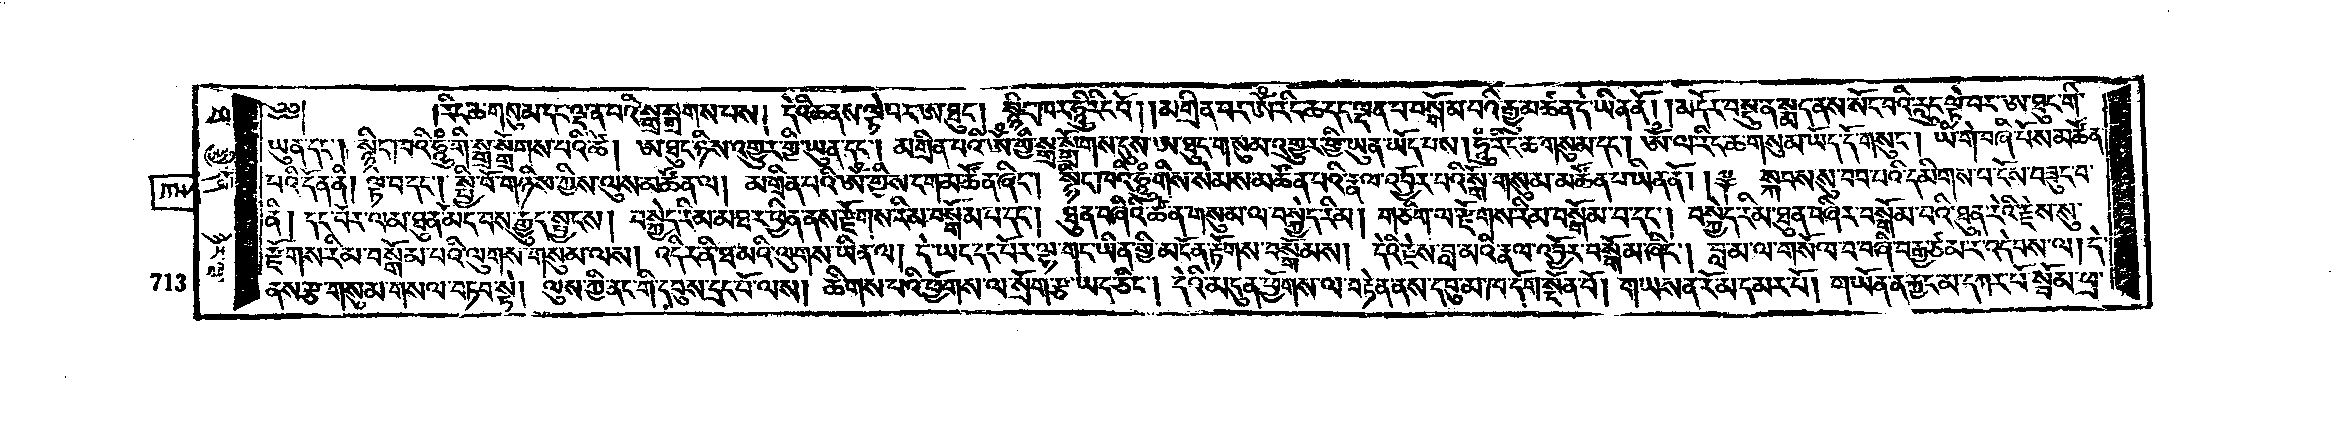༄༅། །རིང་ཆ་གསུམ་དང་ལྡན་པའི་སྒྲ་སྒྲགས་པས། དེའི་ཆ་ནས་ལྟེ་བར་ཨ་ཐུང་། སྙིང་ཁར་ཧཱུཾ་རིང་པོ། །མགྲིན་པར་ཨོཾ་རིང་ཆ་དང་ལྡན་པ་བསྒོམ་པའི་རྒྱུ་མཚན་དེ་ཡིན་ནོ། །མདོར་བསྡུ་ན་སྨད་ནས་སོང་བའི་རླུང་ལྟེ་བར་ཨ་ཐུང་གི་
ཡུན་དང་། སྙིང་ཁའི་ཧཱུཾ་གི་སྒྲ་སྒྲོགས་པའི་ཚེ། ཨ་ཐུང་ཉིས་འགྱུར་གྱི་ཡུན་དང་། མགྲིན་པའི་ཨོཾ་གྱི་སྒྲ་སྒྲོགས་དུས་ཨ་ཐུང་གསུམ་འགྱུར་གྱི་ཡུན་ཡོད་པས། ཧཱུཾ་རིང་ཆ་གསུམ་དང་། ཨོཾ་ལ་རིང་ཆ་གསུམ་ཡོད་དོ་གསུང་། ཡི་གེ་བཞི་པོས་མཚོན་
པའི་དོན་ནི། ལྟེ་བ་དང་། སྤྱི་བོ་གཉིས་ཀྱིས་ལུས་མཚོན་ལ། མགྲིན་པའི་ཨོཾ་གྱི་ངག་མཚོན་ཞིང་། སྙིང་ཁའི་ཧཱུཾ་གིས་སེམས་མཚོན་པའི་རྣལ་འབྱོར་པའི་སྒོ་གསུམ་མཚོན་པ་ཡིན་ནོ། །སྐབས་སུ་བབ་པའི་དམིགས་པ་ངོས་བཟུང་བ་
ནི། དང་པོར་ལམ་ཐུན་མོང་བས་རྒྱུད་སྤྱངས། བསྐྱེད་རིམ་མཐར་ཕྱིན་ནས་རྫོགས་རིམ་བསྒོམ་པ་དང་། ཐུན་བཞིའི་ཚོན་གསུམ་ལ་བསྐྱེད་རིང་། གཅིག་ལ་རྫོགས་རིམ་བསྒོམ་པ་དང་། ཐུན་བཞིའི་ཚེན་གསུམ་ལ་བསྐྱེད་རིམ། གཅིག་ལ་རྫོགས་རིམ་བསྒོམ་པ་དང་། བསྐྱེད་རིམ་ཐུན་བཞིར་བསྒོམ་པའི་ཐུན་རེའི་རྗེས་སུ་
རྫོགས་རིམ་བསྒོམ་པའི་ལུགས་གསུམ་ལས། འདིར་ནི་ཐ་མའི་ལུགས་ཡིན་ལ། དེ་ཡང་དང་པོར་ལྷ་གང་ཡིན་གྱི་མངོན་རྟོགས་བསྒོམས། དེའི་རྗེས་བླ་མའི་རྣལ་འབྱོར་བསྒོམ་ཞིང་། བླ་མ་ལ་གསོལ་བ་བཞི་བརྒྱ་ཙམ་རི་འདེབས་ལ། དེ་
ནས་རྩ་གསུམ་གསལ་བཏབ་སྟེ། ལུས་ཀྱི་ནང་གི་དབུས་དྲང་པོ་ལས། ཚིགས་པའི་ཕྱོགས་ལ་སྲོག་རྩ་ཡོད་ཅིང་། དེའི་མདུན་ཕྱོགས་ལ་བརྟེན་ནས་དབུ་མ་ཁ་དོག་སྔོན་པོ། གཡས་ན་རོ་མ་དམར་པོ། གཡོན་ན་རྐྱང་མ་དཀར་པོ་སྦོམ་ཕྲ་